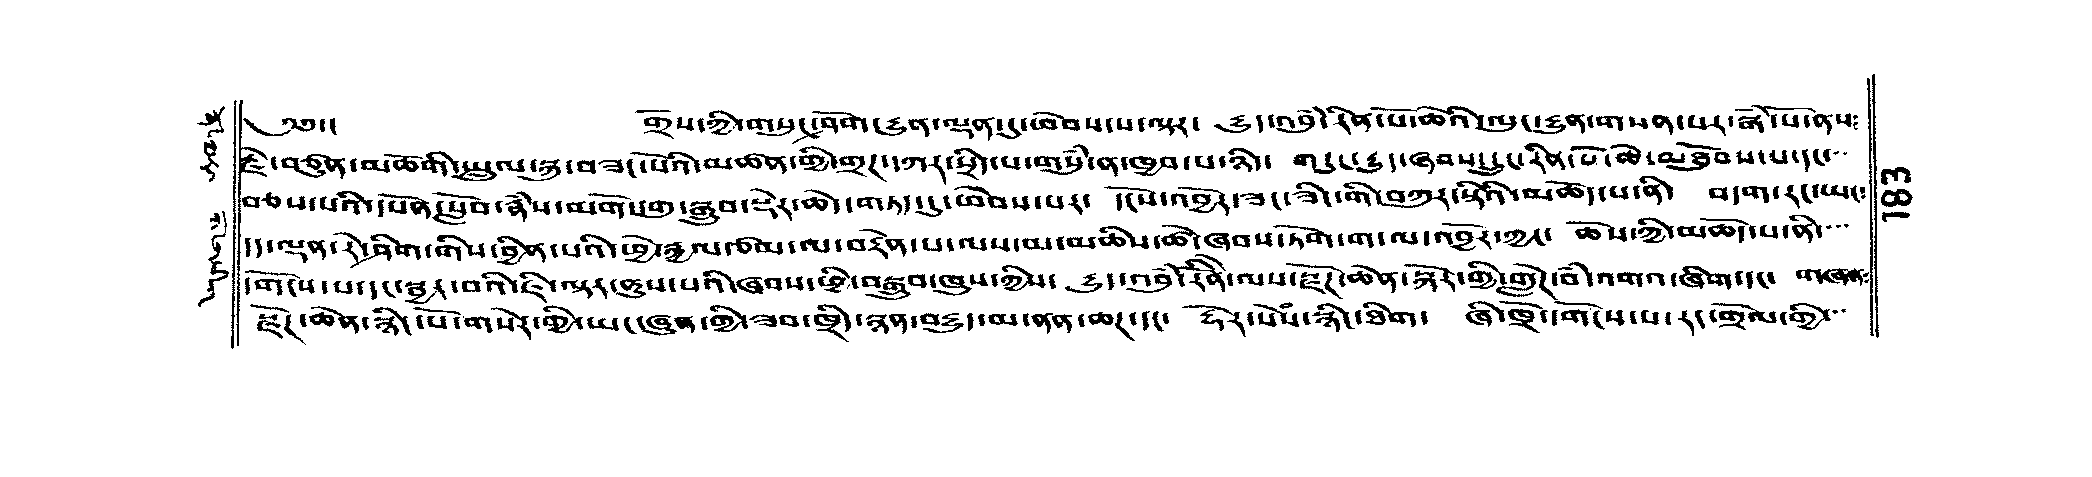གྲོས་ཀྱི་གསུང་ཤོག་རྒྱུན་ལྡན་དུ་ཕེབས་པ་ལྟར། རྒྱུད་འབུམ་རིན་པོ་ཆེའི་ལུང་རྒྱུན་གསན་པར་སྒམ་པོ་ནས་
རྗེ་བཙུན་མཆོག་གི་སྤྲུལ་སྐུ་བཟང་པོའི་མཚན་གྱི་གྲགས་དཀར་སྲིད་པ་གསུམ་ན་ཁྱབ་པ་ཉིད་གདུང་བརྒྱུད་ཞབས་དྲུང་རིན་པོ་ཆེ་མཐུ་སྟོབས་དང་
བཅས་པའི་དཔོན་སློབ་རྣམས་མགོ་དགུ་སྒྲུབ་སྡེར་ཆེད་གཏད་དུ་ཕེབས་པར། དངོས་འབྱོར་ཟང་ཟིང་གི་བཀུར་སྟིའི་མཆོད་པ་ནི། བདག་རང་ཡང་
དད་ལྡན་འགའ་ཞིག་གིས་བྱིན་པའི་ཕྱེ་རྐྱལ་ཙམ་ལ་བརྟེན་པ་ལས་མ་མཆིས་ཚེ་ཞབས་ཏོག་ག་ལ་འབྱོར་ཀྱང་། ཆོས་ཀྱི་མཆོད་པ་ནི་
དགོངས་པ་དང་སྦྱར་བའི་ཇི་ལྟར་ནུས་པའི་ཞབས་ཕྱི་སྒྲུབ་ཁུལ་གྱིས། རྒྱུད་འབུམ་རིན་པོ་ཆེ་ལས་རྫོགས་ཆེན་སྐོར་གྱི་གླེགས་བམ་འགའ་ཞིག་དང་། གཞན་
རྫོགས་ཆེན་སྙིང་པོ་གསེར་གྱི་ཡང་ཞུན་གྱི་ཟབ་ཁྲིད་སྙན་རྒྱུད་མ་ནན་ཆགས་དང་། རྡོར་སེམས་སྙིང་ཐིག ཞི་ཁྲོ་དགོངས་པ་རང་གྲོལ་གྱི་